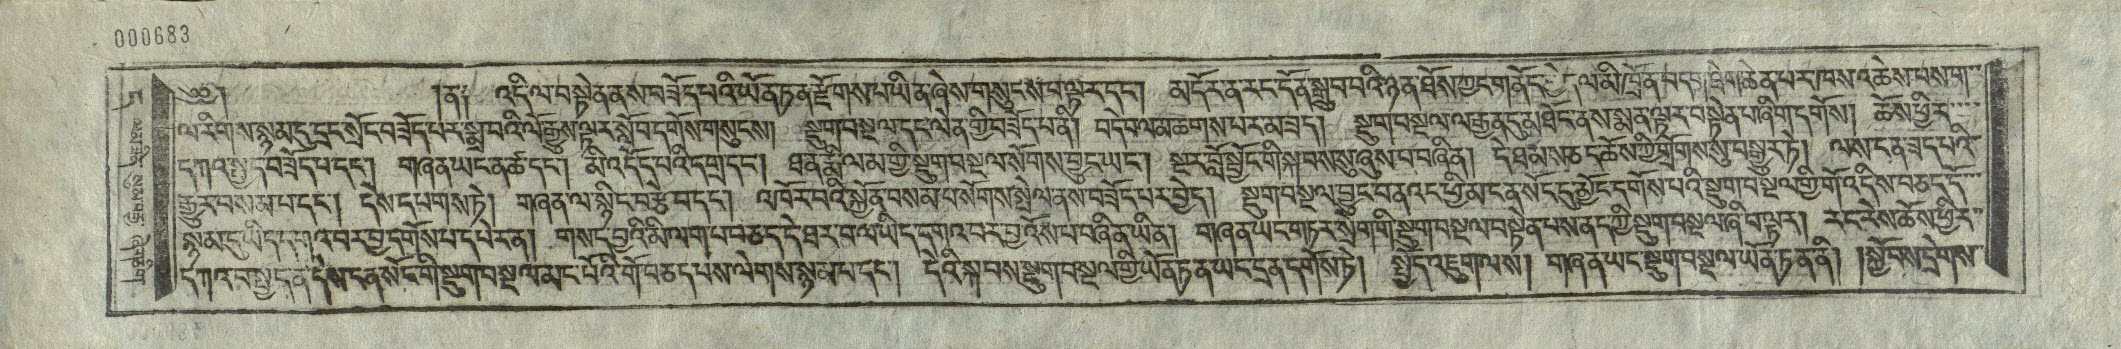༄༅། །ན༑ འདི་ལ་བསྟེན་ནས་བཟོད་པའི་ཡོན་ཏན་རྫོགས་པ་ཡིན་ཞེས་གསུངས་པ་ལྟར་དང་། མདོར་ན་རང་དོན་སྒྲུབ་པའི་ཉན་ཐོས་ཀྱང་གནོད་བྱེད་ལ་མི་ཁྲོ་ན་བདག་ཐེག་ཆེན་པར་ཁས་འཆེས་པས་ག་
ལ་རིགས་སྙམ་དུ་དྲང་སྲོང་བཟོད་པར་སྨྲ་བའི་ལོ་རྒྱུས་ལྟར་སློབ་དགོས་གསུངས། སྡུག་བསྔལ་དང་ལེན་གྱི་བཟོད་པ་ནི། བདེ་བ་ལ་མ་ཆགས་པར་མ་ཟད། སྡུག་བསྔལ་ལ་རྒྱན་དུ་མཐོང་ནས་སྨན་ལྟར་བསྟེན་པ་ཞིག་དགོས། ཆོས་ཕྱིར་
དཀའ་སྤྱད་བཟོད་པ་དང་། གཞན་ཡང་ན་ཚ་དང་། མི་འདོད་པའི་དགྲ་དང་། ཐ་ན་རྨི་ལམ་གྱི་སྡུག་བསྔལ་སོགས་བྱུང་ཡང་། སྔར་བློ་སྦྱོང་གི་སྐབས་སུ་ཞུས་པ་བཞིན། དེ་ཐམས་ཅད་ཆོས་ཀྱི་གྲོགས་སུ་བསྒྱུར་ཏེ། ལས་ངན་ཟད་པའི་
རྒྱུར་བསམ་པ་དང་། དེས་དཔགས་ཏེ། གཞན་ལ་སྙིང་བརྩེ་བ་དང་། འཁོར་བའི་སྐྱོན་བསམ་པ་སོགས་སྤེལ་ནས་བཟོད་པར་བྱེད། སྡུག་བསྔལ་བྱུང་བ་ནའང་ཕྱི་མ་ངན་སོང་དུ་མྱོང་དགོས་པའི་སྡུག་བསྔལ་གྱི་གོ་འདིས་བཅད་དོ་
སྙམ་དུ་ཡིད་དགའ་བར་བྱ་དགོས་པ་དཔེར་ན། གསད་བྱའི་མི་ལག་པ་བཅད་དེ་ཐར་བ་ལ་ཡིད་དགའ་བར་བྱ་འོས་པ་བཞིན་ཡིན། གཞན་ཡང་གཏར་སྲེག་གི་སྡུག་བསྔལ་བསྟེན་པས་ནད་ཀྱི་སྡུག་བསྔལ་ཞི་བ་ལྟར། རང་རེས་ཆོས་ཕྱིར་
དཀའ་བ་སྤྱད་ན་དེས་ངན་སོང་གི་སྡུག་བསྔལ་མང་པོའི་གོ་བཅད་པས་ལེགས་སྙམ་པ་དང་། དེའི་སྐབས་སྡུག་བསྔལ་གྱི་ཡོན་ཏན་ཡང་དྲན་དགོས་ཏེ། སྤྱོད་འཇུག་ལས། གཞན་ཡང་སྡུག་བསྔལ་ཡོན་ཏན་ནི། །སྐྱོ་བས་དྲེགས་